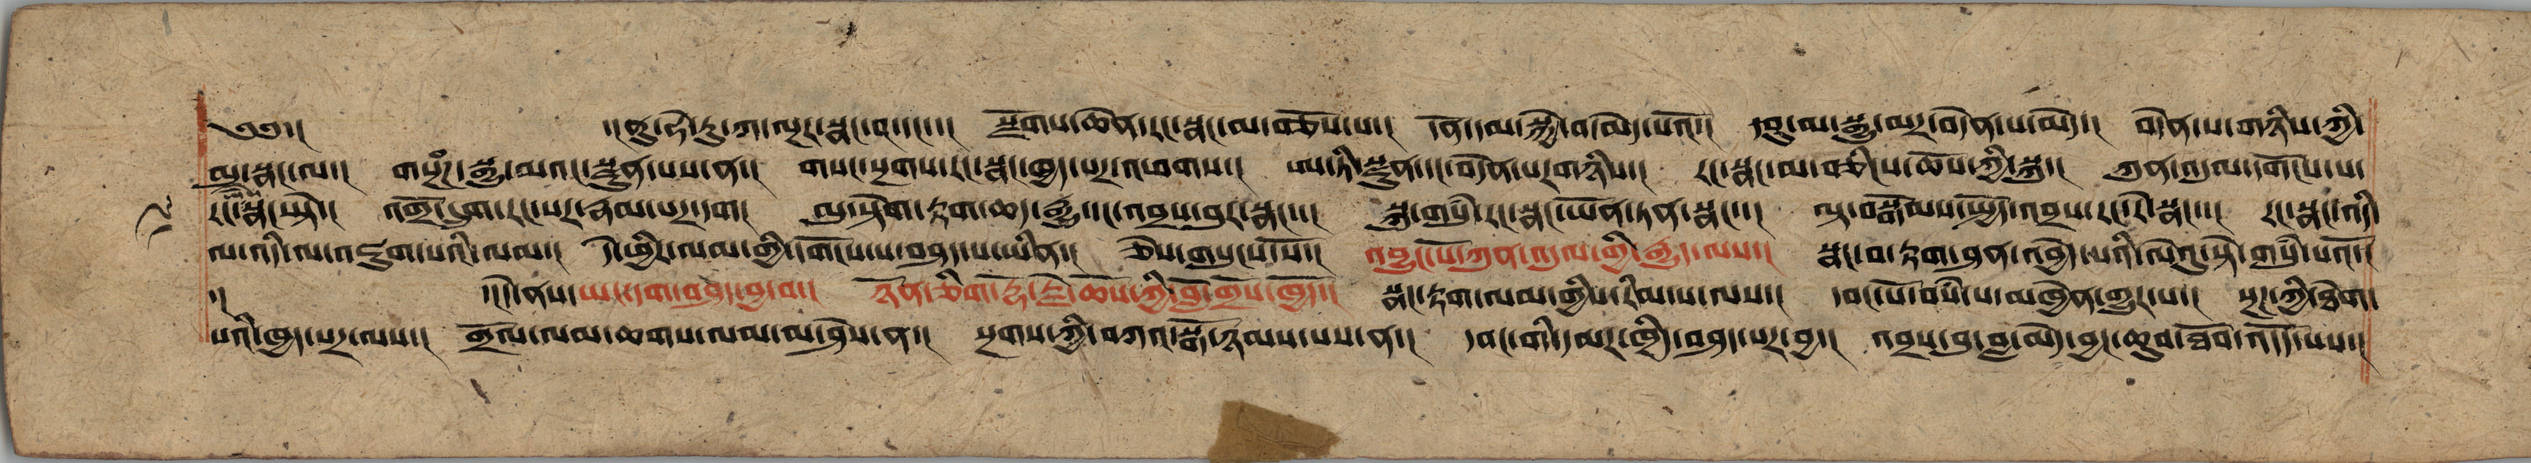༄༅་། ་།ནུ་ཧེ་རུ་ཀ་ལྔར་སྣང་བ་དང་་། སྫོགས་ཆེན་རང་སྣང་མ་བཅོས་པ་། དོན་དམ་སྐྱེ་བ་མེད་པའོ་། དབུ་མ་སྒྱུ་མར་བདེན་པ་མེད་། བདེན་པ་གཉིས་ཀྱི་
མུ་སྣང་ལ་། གསྔཌཾ་སྒྱུ་མའང་སྫུན་པས་ན་། གསང་སྔགས་རང་སྣང་ཁྱད་པར་འཕགས་། ཨ་ཏི་སྫུན་དང་བདེན་པར་གཉིས་། རང་སྣང་མ་བཅིངས་ཆོས་ཀྱི་སྐུ་། ཀུན་འདུལ་དགོངས་པ་
རང་སྣང་སྟེ་། འགྲོ་དྲུག་རང་སར་རྣམ་པར་དག། མུ་སྟེག་རྟག་ཆད་རྒྱུ་དང་འབྲས་བུར་སྣང་་། སྐུ་གསུཾ་རང་སྣང་ཡོན་ཏན་སྣང་་། ལྟ་བསྒོམས་སྤྱོད་འབྲས་རང་རེ་སྣང་་། རང་སྣང་འདི་
ལ་འདི་ལ་འཇུག་པའི་ལམ་། དེ་ཕྱིར་ལམ་གྱི་དགོངས་པ་བཤད་པ་ཡིན་། ཅེས་གསུངས་སོ་། འབྱུང་པོ་ཀུན་འདུལ་གྱི་རྒྱུད་ལས་། སྣང་བ་རྟག་ཤན་འབྱེད་པའི་ལེའུ་སྟེ་གསུཾ་པའོ་།
་། ་།དེ་ནས་ཡང་དག་བཤད་བྱ་བ་། ཉོན་ཅིག་རྡོ་རྗེ་ཆོས་ཀྱི་བློ་གྲོས་ཁྱོད་། སྣང་རྟག་ལམ་གྱིས་རིམ་པ་ལས་། དབང་པོ་བསཾ་པ་མཁྱེན་གྱུར་པ་། སྔཌ་ཀྱི་ཐེག་
པའི་ཁྱད་པར་ལས་། གྲོལ་ལམ་ཆགས་ལམ་མ་ཤེས་ན་། སྔགས་ཀྱི་བཀའ་སྒོ་ཉམས་པས་ན་། དབང་གི་དམར་ཁྲིད་བཤད་པར་བྱ་། འབྲས་བུ་བླ་མེད་བྱང་ཆུབ་ཐོབ་འདོད་པས་།